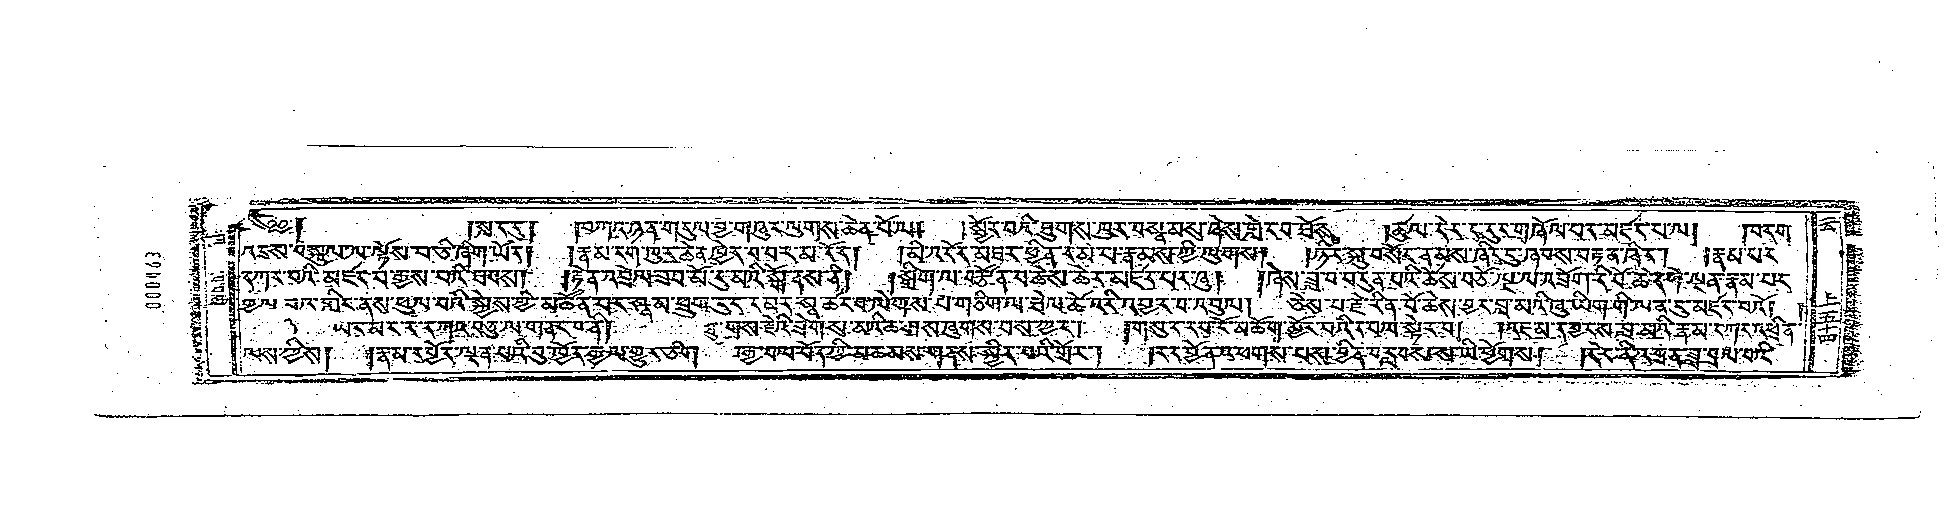༄༅། །སླང་དུ། །བཀའ་ཉན་གདུལ་བྱ་གཞུང་ལུགས་ཆེན་པོ་ལ། །སྦྱོར་བའི་ཐུགས་ཁུར་བསྣམས་ཞེས་གླེང་བ་ཐོས། །ཚུལ་དེར་ད་དུང་གཞོལ་བར་མཛད་པ་ལ། །བདག་
འདྲས་བསྐུལ་ལ་ལྟོས་པ་ཅི་ཞིག་ཡོད། །རྣམ་ངག་ཁུར་ཆེན་ཁྱེར་བ་བར་མ་དོར། །མི་འདོད་མཐར་ཕྱིན་དམ་པ་རྣམས་ཀྱི་ལུགས། །ཉིད་སྐུ་བསོད་ནམས་ཞིང་དུ་ཞབས་བརྟན་ཞིང་། །རྣམ་པར་
དཀར་བའི་མཛད་པ་རྒྱས་པའི་ཐབས། །རྟེན་འབྲེལ་ཟབ་མོ་དུ་མའི་སྒོ་ནས་ནི། །སྒྲིག་ལ་བརྩོན་པ་ཆེས་ཆེར་མཛད་པར་ཞུ། །ཞེས་ཟླ་བ་བདུན་པའི་ཚེས་བཅོ་ལྔ་ལ་འབྲོག་རི་བོ་ཆེ་དགེ་ལྡན་རྣམ་པར་
རྒྱལ་བའི་གླིང་ནས་ཕུལ་བའི་སྐྱེས་ཀྱི་མཚོན་པར་སྣམ་ཕྲུག་དུང་དམར་སྣ་ཚང་བ་ལེགས་པ་གཅིག་ལ་ཐེལ་ཚེ་འདི་འབྱར་བ་འབུལ། ཅེས་པ་རྗེ་རིན་པོ་ཆེས་བྱང་བླ་མའི་ཞུ་ཡིག་གི་ལན་དུ་མཛད་པའོ།།
ཡང་མང་ང་དཀའ་བཅུ་ལ་གནང་བ་ནི། ཐུགས་རྗེའི་བྲེགས་མའི་ཆ་ཤས་ཞུགས་པས་ཀྱང་། །གསུང་རབ་རོ་མཆོག་མྱོང་བའི་དཔལ་སྟེར་བ། །འཇམ་དབྱངས་བླ་མའི་རྣམ་དཀར་འཕྲིན་
ལས་ཀྱིས། །རྣམ་དཔྱོད་ལྡན་པའི་བུ་ཁྱོད་རྒྱལ་གྱུར་ཅིག །རྒྱ་བལ་བོད་ཀྱི་མཚམས་གནས་སྤྱིར་པའི་གྲོང་། །རང་བྱོན་འཕགས་པས་བྱིན་བརླབས་ས་ཡི་ཕྱོགས། །དེར་ནི་འགྲན་ཟླ་བྲལ་བའི་